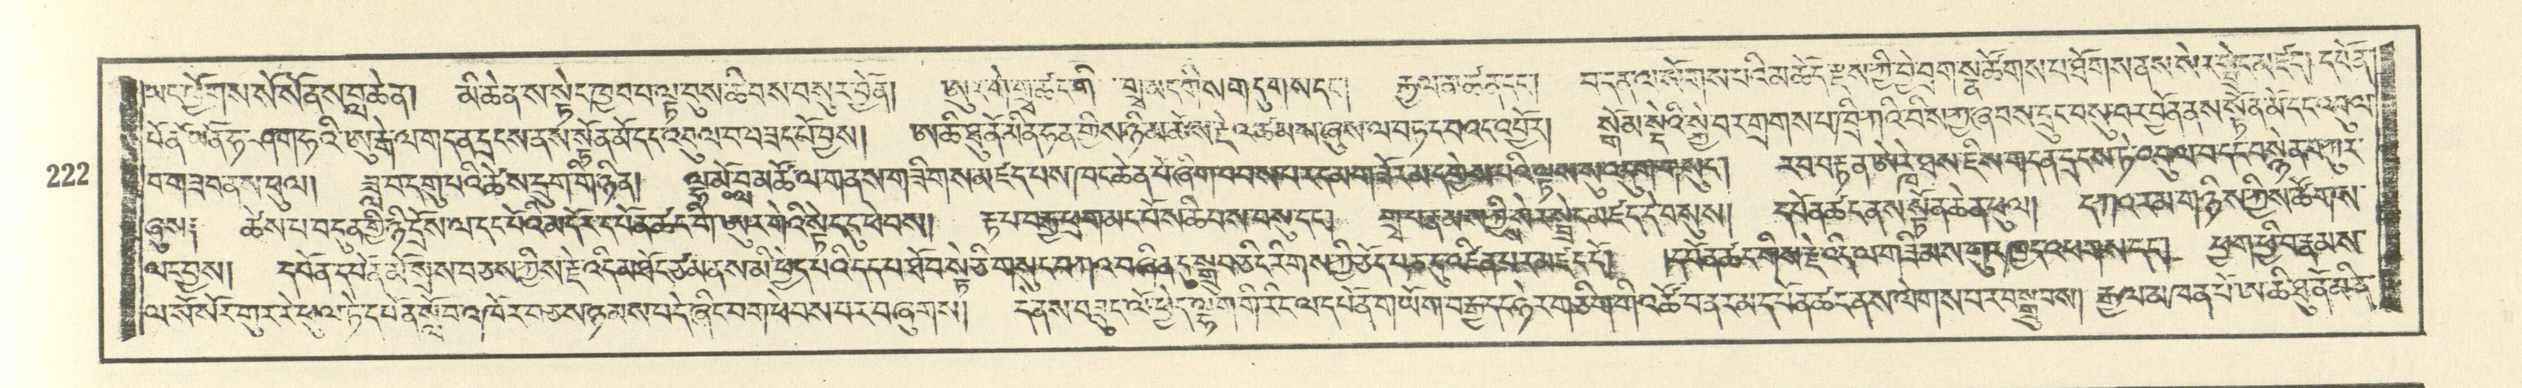ཡང་ཕྱོགས་སོ་སོ་ནས་བླ་ཆེན། མི་ཆེན་ས་སྟེང་ཁྱབ་བ་ལྟ་བུས་ཆིབས་བསུར་བྱོན། ཨུར་གེ་གྲྭ་ཚང་གི་གྲྭ་མང་གིས་གདུགས་དང་། རྒྱལ་མཚན་དང་། བདན་ལ་སོགས་པའི་མཆོད་རྫས་ཀྱི་བྱེ་བྲག་སྣ་ཚོགས་པ་ཐོགས་ནས་སེར་སྦྲེང་མཛད། དཔོན་
པོ་ནོ་ཡོན་ཧ་ཤག་ཧའི་ཨུ་རྒེ་ལ་གདན་དྲངས་ནས་སྟོན་མོ་དང་འབུལ་བ་བཟང་པོ་བྱས། ཨ་ཆི་ཐུ་ནོ་མིན་ཧན་གྱིས་ཉི་མ་ཆོས་རྗེ་འཚམས་ཞུས་ལ་བཏང་བའང་འབྱོར། སྒོམ་སྡེའི་སྐྱེ་བར་གྲགས་པ་ཁྲི་ཀའི་བིས་ཀྱ་ཞབས་དྲུང་བསུ་བར་བྱོན་ནས་སྟོན་མོ་དང་འབུལ་
བ་གཟབ་ནས་ཕུལ། ཟླ་བ་དགུ་པའི་ཚེས་དྲུག་གི་ཉིན། ལྷ་མོ་བླ་མཚོ་ལ་གནས་གཟིགས་མཛད་པས་ཁང་ཆེན་པོ་ཞིག་བབས་བར་དམག་ཟོར་མ་དགྱེས་པའི་ལྟས་སུ་འདུག་གསུང་། རབ་བརྟན་ཨེརྑེ་ཐས་ཇིས་གདན་དྲངས་ཏེ་འབུལ་བ་དང་བསྙེན་བཀུར་
ཞུས༑ ཚེས་པ་བདུན་གྱི་ཉི་དྲོས་ལ་དང་པོའི་མདོར་དཔོན་ཚང་གི་ཨུར་གེའི་སྟེང་དུ་ཕེབས། རྟ་པ་བརྒྱ་ཕྲག་མང་པོས་ཆིབས་བསུ་དང་། གྲྭ་པ་རྣམས་ཀྱིས་སེར་སྤྲེང་མཛད་དེ་བ་སུས། དཔོན་ཚང་ནས་སྟོན་ཆེན་ཕུལ། དཀའ་རམ་གཉིས་ཀྱིས་ཚོགས་
ལང་བྱས། དབོན་དཔོན་མོ་སྲས་བཅས་ཀྱིས་རྗེ་འདི་མཐོང་ཙམ་ནས་མི་ཕྱེད་པའི་དད་པ་ཐོབ་སྟེ་ཅི་གསུང་བཀའ་བཞིན་དུ་སྒྲུབ་ཅིང་རིགས་ཀྱི་ཅོད་པཎ་དུ་འཛིན་པར་མཛད་དོ། །དབོན་ཚང་གིས་རྗེ་འདི་ལ་གཟིམས་གུར་ཁྱད་འཕགས་དང་། ཕྱག་ཕྱི་བ་རྣམས་
ལ་སོ་སོར་གུར་རེ་ཕུལ་ཏེ་དབོན་སློབ་འཁོར་བཅས་ཉམས་བདེ་ཞིང་བག་ཕེབས་པར་བཞུགས། དེ་ནས་བཟུང་ལོ་ཕྱེད་ལྷག་གི་རིང་ལ་དཔོན་གཡོག་བརྒྱ་དང་ཉེར་གཅིག་གི་འཚོ་བ་ནར་མ་དཔོན་ཚང་ནས་ལེགས་པར་བསྒྲུབས། རྒྱལ་མཁན་པོ་ཨ་ཆི་ཐུ་ནོ་མིན་